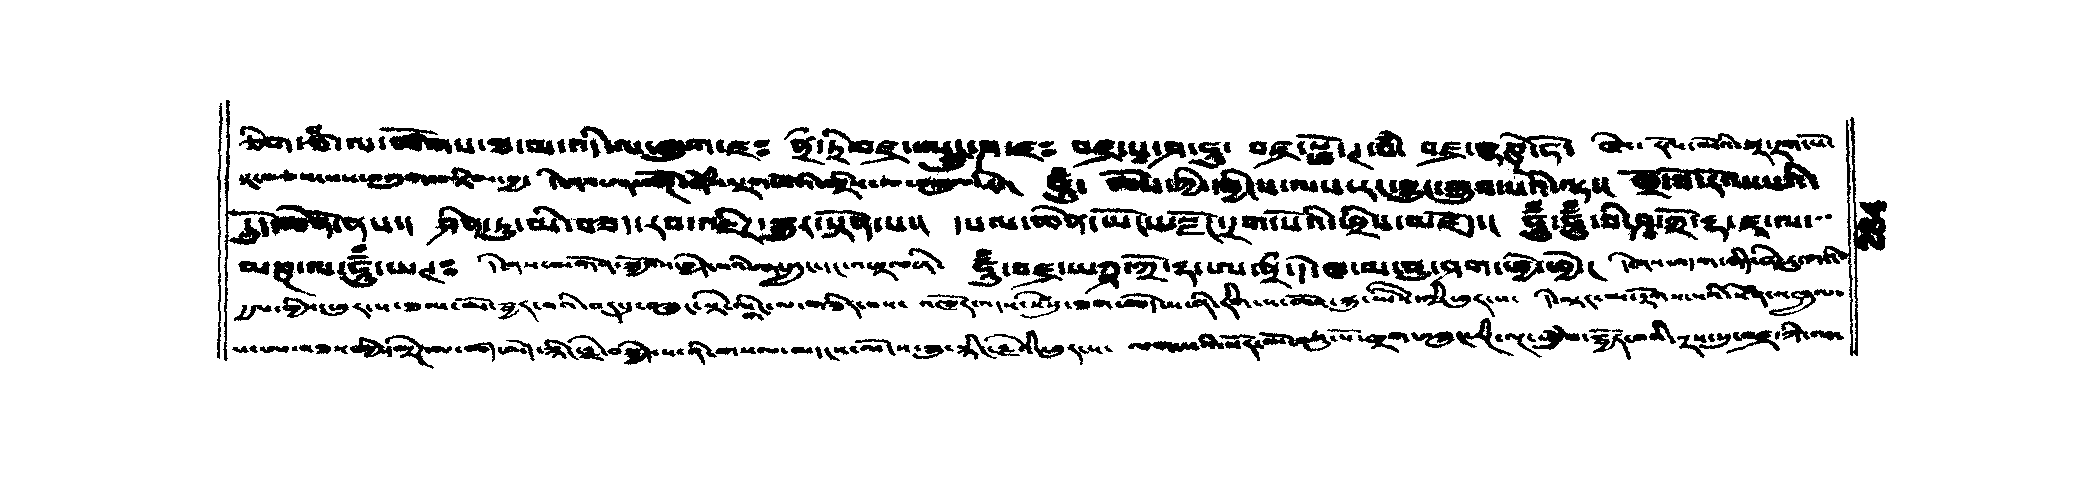ཅིག་ཙམ་ལ་ཚོགས་ཐ་མ་འདི་ལ་ཁུག་ཛཿ ནྲྀ་ཏྲི་བཛྲ་ཨངྐུ་ཤ་ཛཿ བཛྲ་པཱ་ཤ་ཧཱུྃ། བཛྲ་སྥོ་ཊ་བཾ། བཛྲ་གྷཎྜེ་ཧོ། ཞེས་རོལ་མོའི་སྒྲ་དྲག་པོ་
དང་བཅས་པས་བཀུག་བསྟིམ་བྱ། དེ་ནས་ལྷ་ཚོགས་རྣམས་དྲག་པོའི་ཕྲིན་ལས་བསྐུལ་ཏེ། ཧཱུྃ། ཆོས་ཀྱི་དབྱིངས་ལས་རང་བྱུང་སྒྲུབ་པའི་ལྷ། །ཁྲོ་བོ་རོལ་པའི་
དུར་ཁྲོད་ཆེན་པོ་ནས། །ཤིན་ཏུ་མི་བཟད་རབ་འཇིགས་སྐུར་སྟོན་པ། །དཔལ་ཆེན་ཡོངས་རྫོགས་དྲག་པོའི་ཕྲིན་ལས་མཛོད། །ཧཱུྃ་ཧཱུྃ་བི་ཤྭ་ཀྲོ་དྷ་ཛྭ་ལ་
མཎྜ་ལ་ཧཱུྃ་ཕཊཿ དེ་ནས་མགོན་སྐྱོབས་བྱེད་པའི་ལྷ་སྲུང་དང་ནི།ཧཱུྃ་བཛྲ་ཡ་ཀྴ་ཀྲོ་དྷ་ཨ་ནྲྀ་དེ་ཝ་མ་ནུ་ཤག་ཕྱོ་ཕྱོ། དེ་ནས་བདག་ཉིད་ཧེ་རུ་ཀའི་
རྒྱལ་གྱིས་ཕུར་པ་ཐལ་མོ་སྦྱར་བའི་བར་དུ་བཟུང་སྟེ་ལིངྒ་ལ་གཟིར་བས། འཁོར་འདས་སེམས་སུ་ཐག་ཆོད་པ་ནི་རིག་པ་ཚོམ་བུ་ཡེ་ཤེས་ཀྱི་ཕུར་པ། དེ་ལྟར་མ་རྟོགས་པའི་སེམས་ཅན་འཁྲུལ་
པ་ཨ་འཐས་ཀྱི་དགྲ་བགེགས་ལ་ཚད་མེད་སྙིང་རྗེ་བསྐྱེད་པ་ནི་གསལ་གདངས་ལོངས་སྐུ་སྙིང་རྗེའི་ཕུར་པ། ལག་པའི་སོར་མོ་བཅུ་པོ་ཁྲག་འཐུང་རིགས་ལྔ་ཡབ་ཡུམ་སྦྱོར་བའི་སྲས་སུ་བཛྲ་ཀི་ལ་